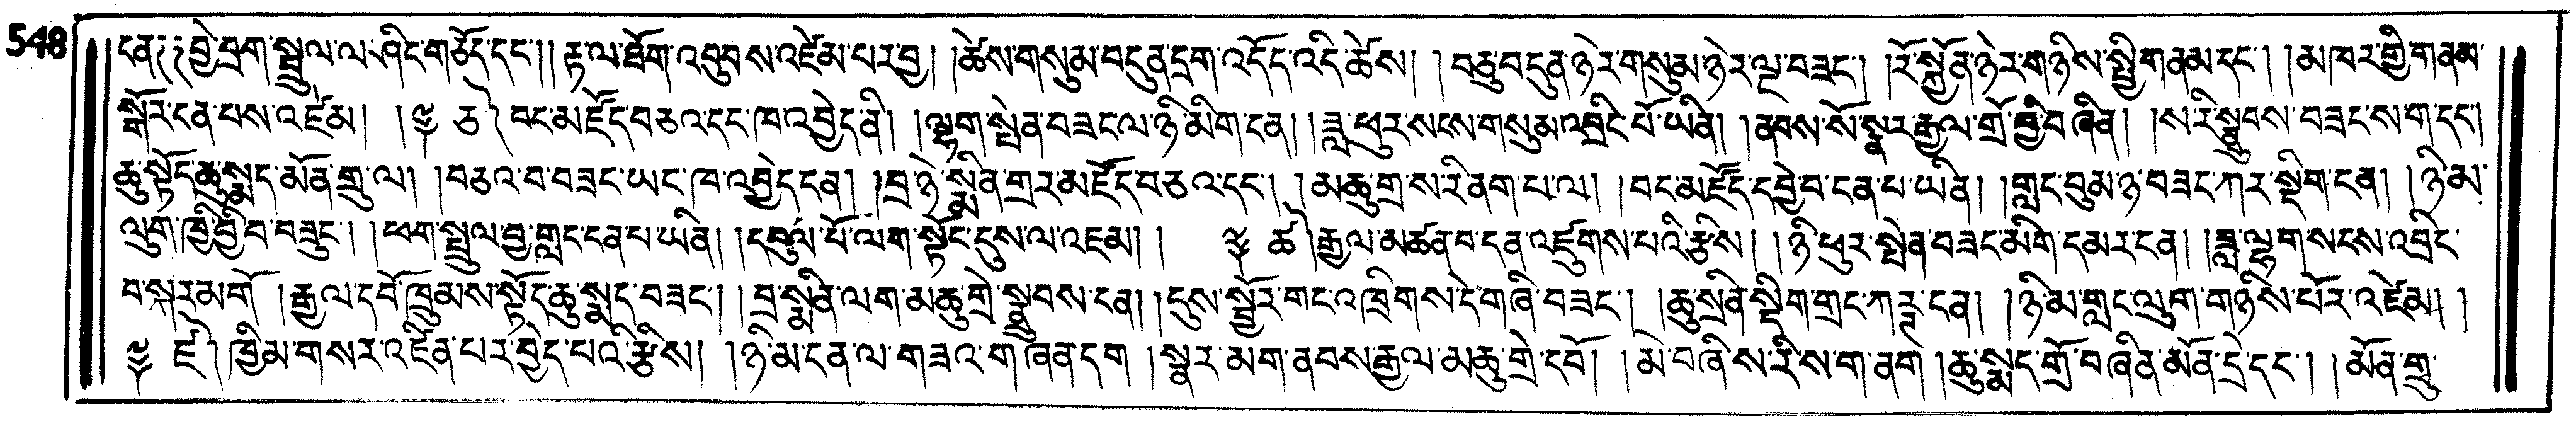ངན༑ ༑བྱེ་བྲག་སྦྲུལ་ལ་ཤིང་གཅོད་དང་། །རྟ་ལ་ཐོག་འབུབས་མཛེམ་པར་བྱ། །ཚེས་གསུམ་བདུན་དྲག་འདོད་འདི་ཚེས། །བཅུ་བདུན་ཉེར་གསུམ་ཉེར་ལྔ་བཟང་། །རོ་སྐྱོན་ཉེར་གཉིས་སྤྱི་གནམ་དང་། །མཁར་གྱི་གནམ་
སྒོར་ངན་པས་འཛེམ། ། འ་ཅ་བང་མཛོད་བཅའ་དང་ཁ་འབྱེད་ནི། །ལྷག་སྤེན་བཟང་ལ་ཉི་མིག་ངན། །ཟླ་ཕུར་སངས་གསུམ་འབྲིང་པོ་ཡིན། །ནབས་སོ་སྣར་རྒྱལ་གྲོ་བྱི་བཞིན། །ས་རི་སྣྲུབས་བཟང་ས་ག་དང་།
ཆུ་སྟོད་ཆུ་སྨད་མོན་གྲུ་ལ། །བཅའ་བ་བཟང་ཡང་ཁ་འབྱེད་ངན། །བྲ་ཉེ་སྨིན་གྲར་མཛོད་བཅའ་དང་། །མཆུ་གྲ་ས་རི་ནག་པ་ལ། །བང་མཛོད་དབྱེ་བ་ལྔན་པ་ཡིན། །གླང་བུམ་ཉ་བཟང་ཀར་སྡིག་ངན། །ཉི་མ་
ལུག་ཁྱི་བྱི་བ་བཟུང་། །ཕག་སྤྲུལ་བྱ་གླང་ངན་པ་ཡིན། །དབུལ་པོ་ལག་སྟོང་དུས་ལ་འཇམ། ། འ་ཚ་རྒྱལ་མཚན་བ་དན་འཛུགས་པའི་རྩིས། །ཉི་ཕུར་སྤེན་བཟང་མིག་དམར་ངན། །ཟླ་ལྷག་སངས་འབྲིང་
བ་སྐར་མགོ །རྒྱལ་དབོ་ཁྲུམས་སྟོད་ཆུ་སྨད་བཟང་། །བྲ་སྨིན་ལག་མཆུ་རེ་སྣུབས་ངན། །དུས་སྦྱོར་གང་འཁྲིགས་དེ་གཞི་བཟང་། །ཆུ་སྲིན་སྡིག་གྲང་ཀརྚ་ངན། །ཉི་མ་གླང་ལུག་གཉིས་པོར་འཛེམ། །
འ་ཛ་ཁྱིམ་གསར་འཛིན་པར་བྱེད་པའི་རྩིས། །ཉི་མ་ངན་ལ་གཟའ་གཞན་དག །སྣར་མག་ནབས་རྒྱལ་མཆུ་གྲེ་དབོ། །མེ་བཞི་ས་རི་ས་ག་ནག །ཆུ་སྨད་གྲོ་བཞིན་མོན་དྲེ་དང་། །མོན་གྲུ་